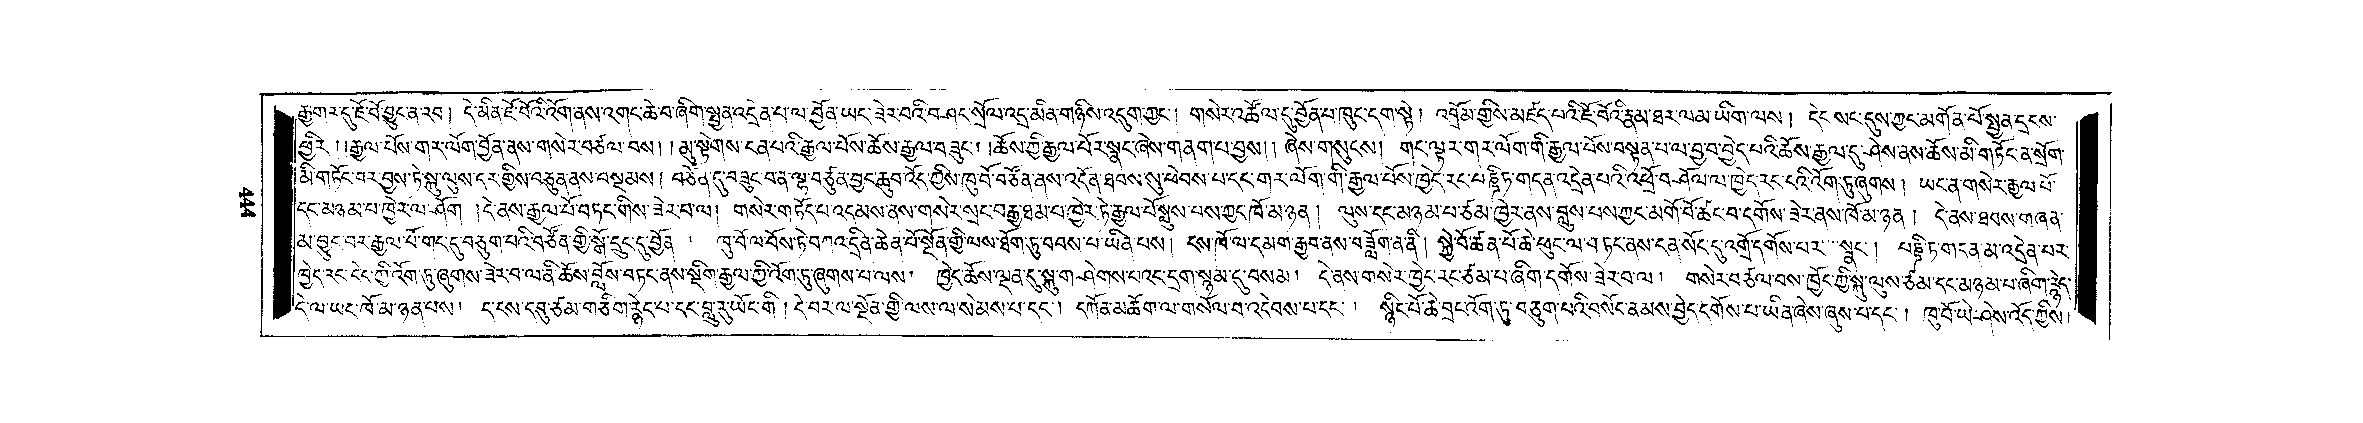རྒྱ་གར་དུ་ཇོ་བོ་བྱུང་ན་རབ། དེ་མིན་ཇོ་བོའི་འོག་ནས་འགང་ཆེ་བ་ཞིག་སྤྱན་འདྲེན་པ་ལ་བྱོན་ཡང་ཟེར་བའི་བཤད་སྲོལ་འདྲ་མིན་གཉིས་འདུག་ཀྱང་། གསེར་འཚོལ་དུ་བྱོན་པ་ཁུང་དག་སྟེ། འབྲོམ་གྱིས་མཛད་པའི་ཇོ་བོའི་རྣམ་ཐར་ལམ་ཡིག་ལས། དེང་སང་དུས་ཀྱང་མགོན་པོ་སྤྱན་དྲངས་
ཕྱིར། །རྒྱལ་པོས་གར་ལོག་བྱོན་ནས་གསེར་བཙལ་བས། །མུ་སྟེགས་ངན་པའི་རྒྱལ་པོས་ཆོས་རྒྱལ་བཟུང་། །ཆོས་ཀྱི་རྒྱལ་པོར་སྣང་ཞེས་གནག་པ་བྱས། །ཞེས་གསུངས། གང་ལྟར་གར་ལོག་གི་རྒྱལ་པོས་བསྟན་པ་ལ་བྱ་བ་བྱེད་པའི་ཆོས་རྒྱལ་དུ་ཤེས་ནས་ཆོས་མི་གཏོང་ན་སྲོག་
མི་གཏོང་བར་བྱས་ཏེ་སྐུ་ལུས་དར་གྱིས་བཅུན་ནས་བསྡམས། བཙོན་དུ་བཟུང་བ་ན་ལྷ་བཙུན་བྱང་ཆུབ་འོད་ཀྱིས་ཁུ་བོ་བཙོན་ནས་འདོན་ཐབས་སུ་ཕེབས་པ་དང་གར་ལོག་གི་རྒྱལ་པོས་ཁྱེད་རང་པཎྜི་ཏ་གདན་འདྲེན་པའི་འཕྲོ་བཤོལ་ལ་ཁྱེད་རང་ངའི་འོག་ཏུ་ཞུགས། ཡང་ན་གསེར་རྒྱལ་པོ་
དང་མཉམ་པ་ཁྱེར་ལ་ཤོག །དེ་ནས་རྒྱལ་པོ་བཏང་གིས་ཟེར་བ་ལ། གསེར་གཏོད་པ་འདམས་ནས་གསེར་སྲང་བརྒྱ་ཐམ་པ་ཁྱེར་ཏེ་རྒྱལ་པོ་སླུས་པས་ཀྱང་ཁོ་མ་ཉན། ལུས་དང་མཉམ་པ་ཙམ་ཁྱེར་ནས་བླུས་པས་ཀྱང་མགོ་བོ་ཚང་བ་དགོས་ཟེར་ནས་ཁོ་མ་ཉན། དེ་ནས་ཐབས་གཞན་
མ་བྱུང་བར་རྒྱལ་པོ་གང་དུ་བཅུག་པའི་བཙོན་གྱི་སྒོ་དྲུང་དུ་བྱོན། ཁུ་བོ་ལ་བོས་ཏེ་བཀའ་དྲིན་ཆེན་པོ་སྔོན་གྱི་ལས་ཐོག་ཏུ་བབས་པ་ཡིན་པས། ངས་ཁོ་ལ་དམག་རྒྱབ་ནས་བཟློག་ན་ནི། སྐྱེ་བོ་ཚན་པོ་ཆེ་ཕུང་ལ་བཏང་ནས་ངན་སོང་དུ་འགྲོ་དགོས་པར་སྣང་། པཎྜིཏ་གདན་མ་འདྲེན་པར་
ཁྱེད་རང་ངེད་ཀྱི་འོག་ཏུ་ཞུགས་ཟེར་བ་ལ་ནི་ཆོས་བློས་བཏང་ནས་སྡིག་རྒྱལ་ཀྱི་འོག་ཏུ་ཞུགས་པ་ལས། ཁྱེད་ཆོས་ལྡན་དུ་སྐུ་གཤེགས་པའང་དྲག་སྙམ་དུ་བསམ། དེ་ནས་གསེར་ཁྱེད་རང་ཙམ་པ་ཞིག་དགོས་ཟེར་བ་ལ། གསེར་བཙལ་བས་ཁྱོད་ཀྱི་སྐུ་ལུས་ཙམ་དང་མཉམ་པ་ཞིག་རྙེད་
དེ་ལ་ཡང་ཁོ་མ་ཉན་པས། ད་ངས་དབུ་ཙམ་གཅིག་རྙེད་པ་དང་བླུ་རུ་ཡོང་གི །དེ་བར་ལ་སྔོན་གྱི་ལས་ལ་སེམས་པ་དང་། དཀོན་མཆོག་ལ་གསོལ་བ་འདེབས་པ་དང་། སྙིང་པོ་ཆེ་བྲང་འོག་ཏུ་བཅུག་པའི་བསོད་ནམས་བྱེད་དགོས་པ་ཡིན་ཞེས་ཞུས་པ་དང་། ཁུ་བོ་ཡེ་ཤེས་འོད་ཀྱིས།